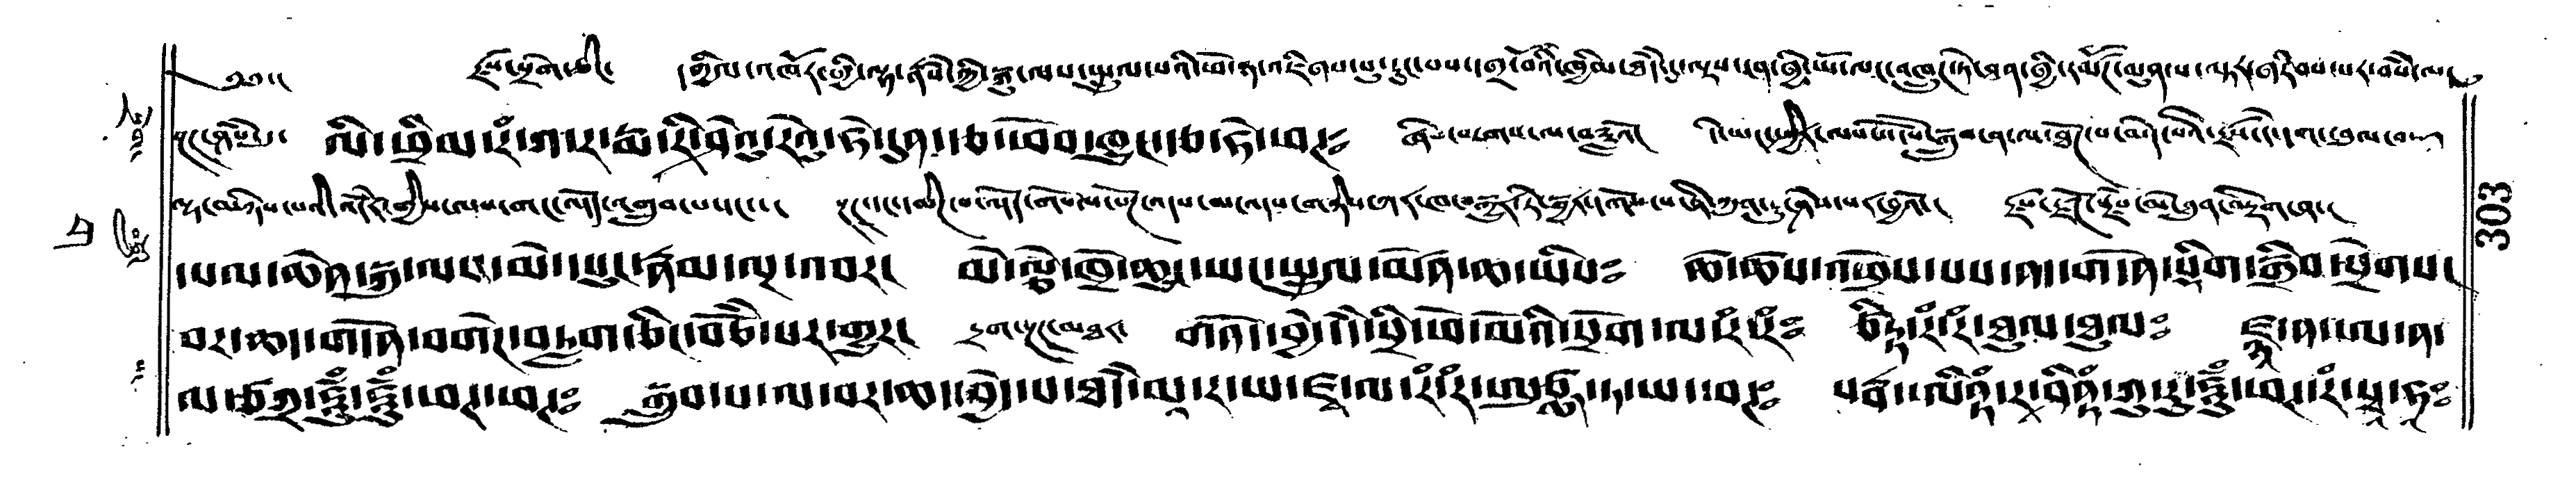རྫས་སྲེག་ཅིང་། དཀྱིལ་འཁོར་གྱི་ལྷ་རྣམས་ཀྱི་སྐུ་ལས་སྤྲུལ་པའི་ཕོ་ཉ་འཇིགས་སུ་རུང་པས་དགྲ་བོའི་ཁྱིམ་ཐམས་ཅད་དུ་ལྟས་ངན་གྱི་ཡོ་ལང་འཁྲུགས་ཏེ་ཐན་གྱི་དམག་ཚོགས་མུན་པ་ལྟར་གཏིབས་པར་བསམ་ལ། 
སྔགས་ཤམས་དུ། ལི་ཕྲིམ་རཾ་ཀ་ར་རྨ་རི་ཤེའུ་རེའུ་ཧེ་དུན་རྩ་ཕོབ་ཁྱུང་རྩ་ཧེ་ཕཊ༔ ཞེས་བཏགས་ལ་བཟླའོ། དེ་ཡང་སྤྱིར་ལས་སོ་སོར་སྒྲུབ་ན་ལས་ཐོགས་པ་མེད་པའི་རྫས་དེ་དག་ཕུལ་བས་
ལྷ་མཉེས་པའི་འོད་ཟེར་གྱིས་ལས་གང་འདོད་འགྲུབ་པ་དང་། སྔགས་དང་དམིགས་པ་འདོད་གསོལ་སོགས་འདས་མ་འདས་གཉིས་ཀར་ཁ་བསྒྱུར་ཏེ་སྦྱར་དགོས་པ་ནི་ཀུན་ཏུ་ཤེས་པར་བྱའོ། རྫས་རྫོགས་རྗེས་མེ་ཐུན་བརྡེག་ན། 
དཔལ་ཆེན་སྐུ་ལས་མེ་དཔུང་རྣམ་ལྔ་འབར། །མེ་ལྕེ་ཁྲོ་ཆུང་ཡང་སྤྲུལ་མཚོན་ཆ་ཡིས། །ཚྭ་ཚྭས་འཕྲོས་པས་ནད་གདོན་སྡིག་སྒྲིབ་སྲེགས། །
བར་ཆད་གདོན་བགེགས་བརླག་ཅིང་བཅོམ་པར་གྱུར། དྲག་སྔགས་མཐར། གནོད་བྱེད་དམ་སྲི་ཕོ་མོའི་སྲོག་ལ་རཾ་རཾ༔ ཙིཏྟ་རཾ་རཾ་ཐུལ་ཐུལ༔ ཛྙཱ་ན་ཨ་ན་
ལ་ཙཀྲ་ཧཱུྃ་ཧཱུྃ་ཕཊ་ཕཊ༔ སྒྲུབ་པ་ལ་བར་ཆད་བྱེད་པ་ཐམས་ཅད་མཱ་ར་ཡ་ཛྭ་ལ་རཾ་རཾ་ཨུཙྪ་ཏ་ཡ་ཕཊ༔ སརྦ་ཨིནྟཾ་ར་ཤིནྟཾ་ཀུ་རུ་ཧཱུྂ་ཕཊ་རཾ་སྭ་ཧཱ༔